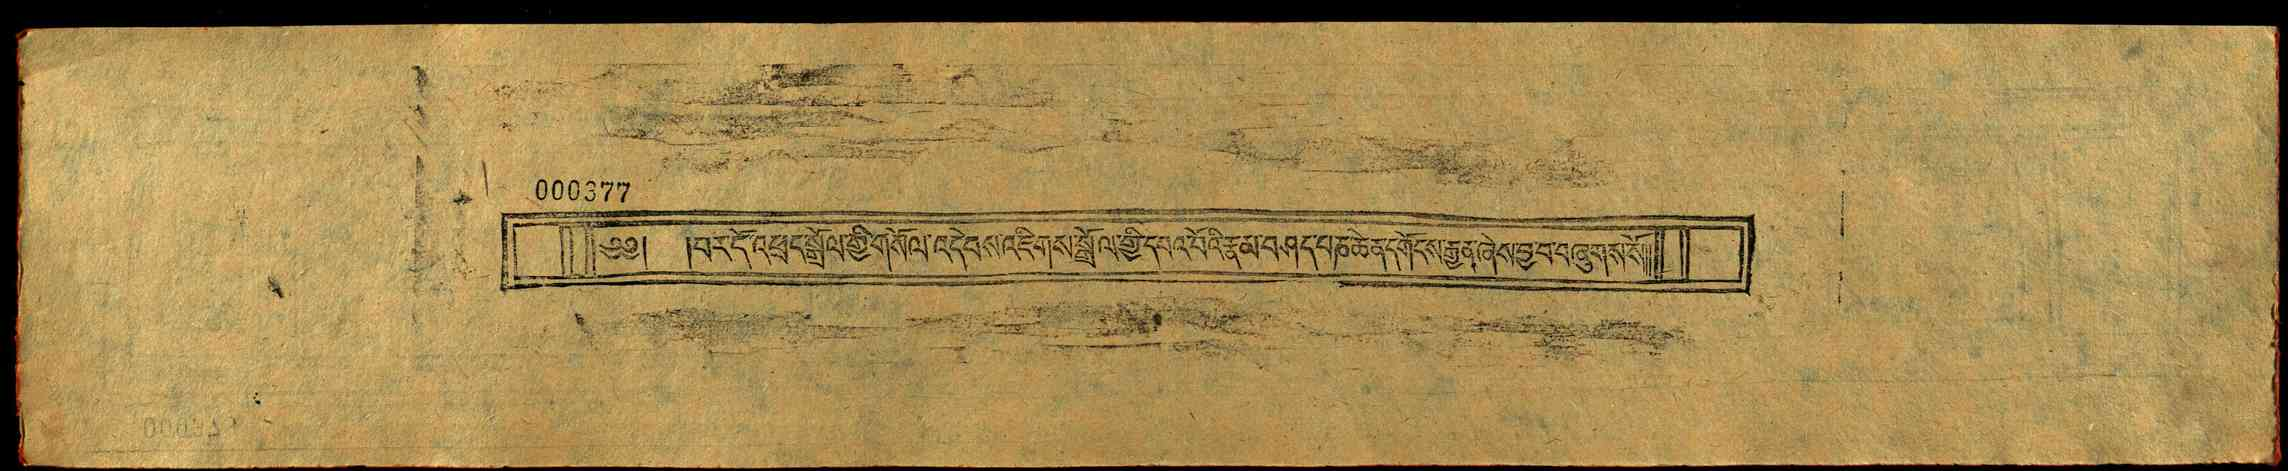༄༅། །བར་དོ་འཕྲང་སྒྲོལ་གྱི་གསོལ་འདེབས་འཇིགས་སྒྲོལ་གྱི་དཔའ་བོའི་རྣམ་བཤད་པཎ་ཆེན་དགོངས་རྒྱན་ཞེས་བྱ་བ་བཞུགས་སོ། །